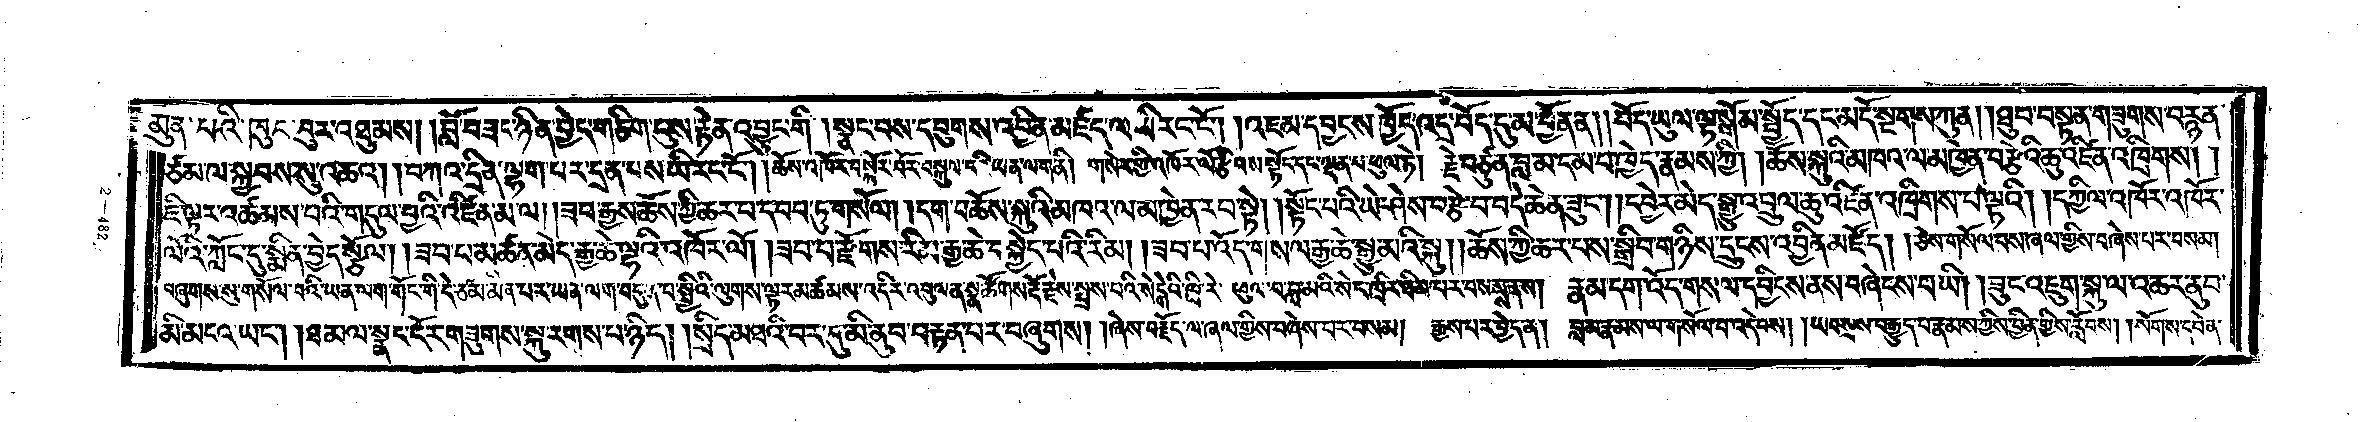མུན་པའི་ཁུང་བུར་འཐུམས། །བློ་བཟང་ཉིན་བྱེད་གཅིག་དུས་རྟེན་འབྱུང་གི །སྣང་བས་དབུགས་འབྱིན་མཛད་ལ་མི་རང་ངོ། །འཇམ་དབྱངས་ཁྱོད་འདྲ་བོད་དུ་མ་བྱོན་ན། །བོད་ཡུལ་ལྟ་སྒོམ་སྤྱོད་དང་མདོ་སྔགས་ཀུན། །ཐུབ་བསྟན་གཟུགས་བརྙན་
ཙམ་ལ་སྐྱབས་སུ་འཆའ། །བཀའ་དྲིན་ལྷག་པར་དྲན་པས་ཡི་རང་ངོ། །ཆོས་འཁོར་བསྐོར་བོར་བསྐུལ་བའི་ཡན་ལག་ནི། །གསེར་གྱི་འཁོར་ལོ་རྩིབས་སྟོང་དང་ལྡན་པ་ཕུལ་ཏེ། །རྗེས་བཙུན་བླ་མ་དམ་པ་ཁྱེད་རྣམས་ཀྱི། །ཆོས་སྐུའི་མཁའ་ལ་མཁྱེན་བརྩེའི་ཆུ་འཛིན་འཁྲིགས། །
ཇི་ལྟར་འཚམས་པའི་གདུལ་བྱའི་འཛིན་མ་ལ། །ཟབ་རྒྱས་ཆོས་ཀྱི་ཆར་བ་དབབ་ཏུ་གསོལ། །དག་བ་ཆོས་སྐུའི་མཁའ་ལམ་མཁྱེན་རབ་སྟེ། །སྟོང་པའི་ཡེ་ཤེས་བརྩེ་བ་བདེ་ཆེན་ཟུང་། །དབྱེར་མེད་སྒྱུ་འབྲུལ་ཆུ་འཛིན་འཁྲིགས་པ་ལྟའི། །དཀྱིལ་འཁོར་འཁོར་
ལོའི་ཀློང་དུ་སྨིན་བྱེད་སྩོལ། །ཟབ་པ་མཚན་མེད་རྒྱ་ཆེ་ལྷའི་འཁོར་ལོ། །ཟབ་པ་རྫོགས་རིམ་རྒྱ་ཆེ་བསྐྱེད་པའི་རིམ། །ཟབ་པ་འོད་གསལ་རྒྱ་ཆེ་སྒྱུ་མའི་སྐུ། །ཆོས་ཀྱི་ཆར་པས་སྒྲིབ་གཉིས་དྲུངས་འབྱིན་མཛོད། །ཅེས་གསོལ་བས་ཞལ་གྱིས་བཞེས་པར་བསམ།
བཞུགས་སུ་གསོལ་བའི་ཡན་ལག་གོང་གི་དེ་ཙམ་མིན་པར་ཡན་ལག་བདུན་བ་སྤྱིའི་ལུགས་ལྟར་མཚམས་འདིར་འབུལ་ན་སྣ་ཚོགས་རྡོ་རྗེས་སྤྲས་པའི་སེངྒེའི་ཁྲི་རེ་ཕུལ་བ་བླ་མའི་སེང་ཁྲིར་ཐིམ་པར་བསམས་ནས། རྣམ་དག་འོད་གསལ་དབྱིངས་ནས་བཞེངས་པ་ཡི། །ཟུང་འཇུག་སྐུ་ལ་འཆར་ནུབ་
མི་མངའ་ཡང་། །ཐ་མལ་སྣང་ངོར་གཟུགས་སྐུ་རགས་པ་ཉིད། །སྲིད་མཐའི་བར་དུ་མི་ནུབ་བརྟན་པར་བཞུགས། །ཞེས་བརྗོད་ལ་ཞལ་གྱིས་བཞེས་པར་བསམ། རྒྱས་པར་བྱེད་ན། བླ་མ་རྣམས་ལ་གསོལ་བ་འདེབས། །ཡབ་སྲས་བརྒྱུད་པ་རྣམས་ཀྱིས་བྱིན་གྱིས་རློབས། །སོགས་དབེན་